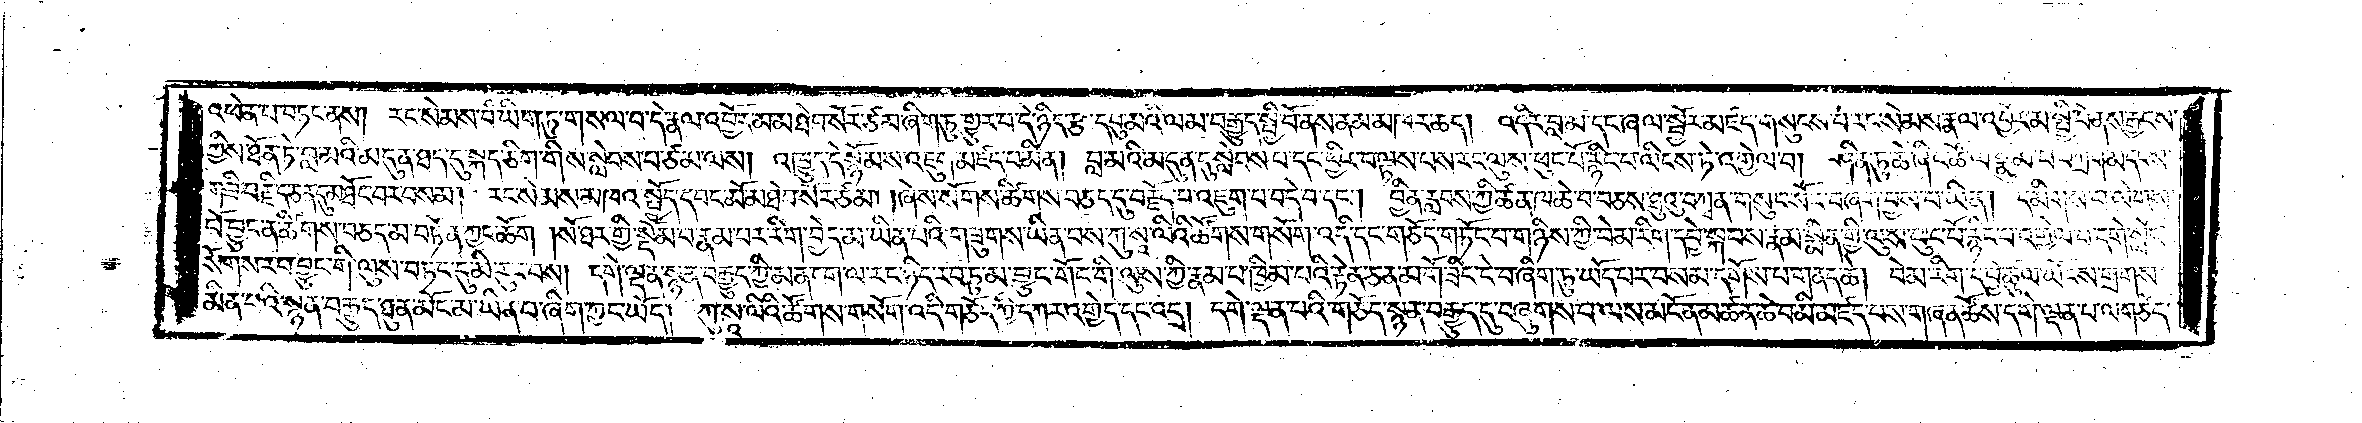འཕེན་པ་བཏང་ནས། རང་སེམས་བཾ་ཡིག་ཏུ་གསལ་བ་དེ་རྣལ་འབྱོར་མ་མཐེབ་སོར་ཙམ་ཞིག་ཏུ་གྱུར་པ་དེ་ཉིད་རྩ་དབུ་མའི་ལམ་བརྒྱུད་སྤྱི་བོ་ནས་ནམ་མཁར་ཆད། འདིར་བླ་མ་དང་ཞལ་སྦྱོར་མཛད་གསུངས་པ་རང་སེམས་རྣལ་འབྱོར་མ་སྤྱི་བོ་ནས་རྒྱངས།
ཀྱིས་ཐོན་ཏེ་བླ་མའི་མདུན་ཐད་དུ་སྐད་ཅིག་གིས་སླེབས་པ་ཙམ་ལས། འཁྱུད་དེ་སྙོམས་འཇུག་མཛད་པ་མིན། བླ་མའི་མདུན་དུ་སླེབས་པ་དང་ཕྱིར་བལྟས་པས་རང་ལུས་ཕུང་པོ་རྙིང་པ་ལིངས་ཏེ་འགྱེལ་བ། ཤིན་ཏུ་ཆེ་ཞིང་ཚོ་ལ་སྨུམ་པ་བཀྲག་མདངས་
གཟི་བརྗིད་ཅན་དུ་མཐོང་བར་བསམ། རང་སེམས་མཁའ་སྤྱོད་དབང་མོ་མཐེབ་སོར་ཙམ། །ཞེས་སོགས་ཚིགས་བཅད་དུ་བརྗོད་པ་འཇུག་པ་བདེ་བ་དང་། བྱིན་རླབས་ཀྱི་ཚན་ཁ་ཆེ་བ་བཅས་ཐུའུ་བཀྭན་གསུང་སོར་བཞག་བྱས་པ་ཡིན། དམིགས་པ་ལེགས་
པོ་བྱུང་ན་ཚིགས་བཅད་མ་བཏོན་ཀྱང་ཆོག །སོ་ཐར་གྱི་སྡོམ་པ་རྣམ་པར་རིག་བྱེད་མ་ཡིན་པའི་གཟུགས་ཡིན་པས་ཀུ་སཱ་ལིའི་ཚོགས་གསོག་འདི་དང་གཅོད་གཏོང་བ་གཉིས་ཀྱི་བེམ་རིག་དབྱེ་སྐབས་རྣམ་སྨིན་གྱི་ལུས་ཕུང་པོ་རྙིང་པ་འགྱེལ་བ་དགེ་སློང་
སོགས་རབ་བྱུང་གི་ལུས་བཏང་དུ་མི་རུང་བས། དགེ་ལྡན་སྙན་བརྒྱུད་ཀྱི་མན་ངག་ལ་རང་ཉིད་རབ་ཏུ་མ་བྱུང་གོང་གི་ལུས་ཀྱི་རྣམ་པ་ཁྱིམ་པའི་རྟེན་ཅན་མགོ་ཟིང་དེ་བ་ཞིག་ཏུ་ཡོད་བར་བསམ་དགོས་པ་གནད་ཆེ། བེམ་རིག་དབྱེ་ཚུལ་ཡོངས་གྲགས་
མིན་པའི་སྙན་བརྒྱུད་ཐུན་མོང་མ་ཡིན་པ་ཞིག་ཀྱང་ཡོད། ཀུ་སཱ་ལིའི་ཚོགས་གསོག་འདི་གཅོད་ཀྱི་དཀར་འགྱེད་དང་འདྲ། དགེ་ལྡན་པའི་གཅོད་སྙེན་བརྒྱུད་དུ་བཞུགས་པ་ལས་མངོན་མཚན་ཆེ་བ་མི་མཛད་བས་གཞན་ཚོས་དགེ་ལྡན་པ་ལ་གཅོད་